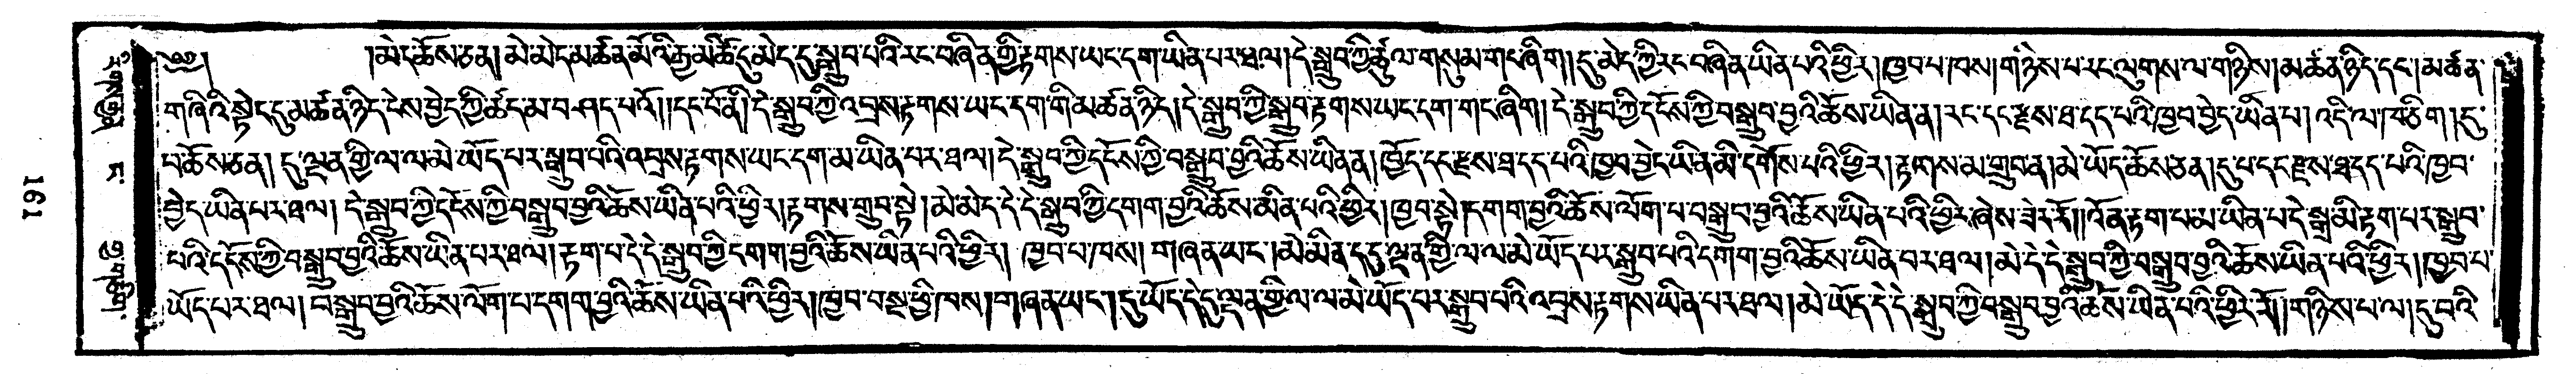༄༅། །མེད་ཆོས་ཅན། མེ་མེད་མཚན་མོའི་རྒྱ་མཚོ་དུ་མེད་དུ་སྒྲུབ་པའི་རང་བཞིན་གྱི་རྟགས་ཡང་དག་ཡིན་པར་ཐལ། དེ་སྒྲུབ་ཀྱི་ཚུལ་གསུམ་གང་ཞིག །དུ་མེད་ཀྱི་རང་བཞིན་ཡིན་པའི་ཕྱིར། ཁྱབ་པ་ཁས། གཉིས་པ་རང་ལུགས་ལ་གཉིས། མཚན་ཉིད་དང་། མཚན་
གཞིའི་སྟེང་དུ་མཚན་ཉིད་ངེས་བྱེད་ཀྱི་ཚད་མ་བཤད་པའོ། །དང་པོ་ནི། དེ་སྒྲུབ་ཀྱི་འབྲས་རྟགས་ཡང་དག་གི་མཚན་ཉིད། དེ་སྒྲུབ་ཀྱི་སྒྲུབ་རྟགས་ཡང་དག་གང་ཞིག །དེ་སྒྲུབ་ཀྱི་དངོས་ཀྱི་བསྒྲུབ་བྱའི་ཆོས་ཡིན་ན། རང་དང་རྫས་ཐ་དད་པའི་ཁྱབ་བྱེད་ཡིན་པ། འདི་ལ་ཁ་ཅིག །དུ་
བ་ཆོས་ཅན། དུ་ལྡན་གྱི་ལ་ལ་མེ་ཡོད་པར་སྒྲུབ་པའི་འབྲས་རྟགས་ཡང་དག་མ་ཡིན་པར་ཐལ། དེ་སྒྲུབ་ཀྱི་དངོས་ཀྱི་བསྒྲུབ་བྱའི་ཆོས་ཡིན་ན། ཁྱོད་དང་རྫས་ཐ་དད་པའི་ཁྱབ་བྱེད་ཡིན་མི་དགོས་པའི་ཕྱིར། རྟགས་མ་གྲུབ་ན། མེ་ཡོད་ཆོས་ཅན། དུ་བ་དང་རྫས་ཐ་དད་པའི་ཁྱབ་
བྱེད་ཡིན་པར་ཐལ། དེ་སྒྲུབ་ཀྱི་དངོས་ཀྱི་བསྒྲུབ་བྱའི་ཆོས་ཡིན་པའི་ཕྱིར། རྟགས་གྲུབ་སྟེ། མེ་མེད་དེ་དེ་སྒྲུབ་ཀྱི་དགག་བྱའི་ཆོས་ཡིན་པའི་ཕྱིར། ཁྱབ་སྟེ། དགག་བྱའི་ཆོས་ལོག་པ་བསྒྲུབ་བྱའི་ཆོས་ཡིན་པའི་ཕྱིར་ཞེས་ཟེར་རོ། །འོ་ན་རྟག་པ་མ་ཡིན་པ་དེ་སྒྲ་མི་རྟག་པར་སྒྲུབ་
པའི་དངོས་ཀྱི་བསྒྲུབ་བྱའི་ཆོས་ཡིན་པར་ཐལ། རྟག་པ་དེ་དེ་སྒྲུབ་ཀྱི་དགག་བྱའི་ཆོས་ཡིན་པའི་ཕྱིར། ཁྱབ་པ་ཁས། གཞན་ཡང་། མེ་མིན་དེ་དུ་ལྡན་གྱི་ལ་ལ་མེ་ཡོད་པར་སྒྲུབ་པའི་དགག་བྱའི་ཆོས་ཡིན་པར་ཐལ། མེ་དེ་དེ་སྒྲུབ་ཀྱི་བསྒྲུབ་བྱའི་ཆོས་ཡིན་པའི་ཕྱིར། ཁྱབ་པ་
ཡོད་པར་ཐལ། བསྒྲུབ་བྱའི་ཆོས་ལོག་པ་དགག་བྱའི་ཆོས་ཡིན་པའི་ཕྱིར། ཁྱབ་པ་སྔ་ཕྱི་ཁས། གཞན་ཡང་། དུ་ཡོད་དེ་དུ་ལྡན་གྱི་ལ་ལ་མེ་ཡོད་པར་སྒྲུབ་པའི་འབྲས་རྟགས་ཡིན་པར་ཐལ། མེ་ཡོད་དེ་དེ་སྒྲུབ་ཀྱི་བསྒྲུབ་བྱའི་ཆོས་ཡིན་པའི་ཕྱིར་རོ། །གཉིས་པ་ལ། དུ་བའི་